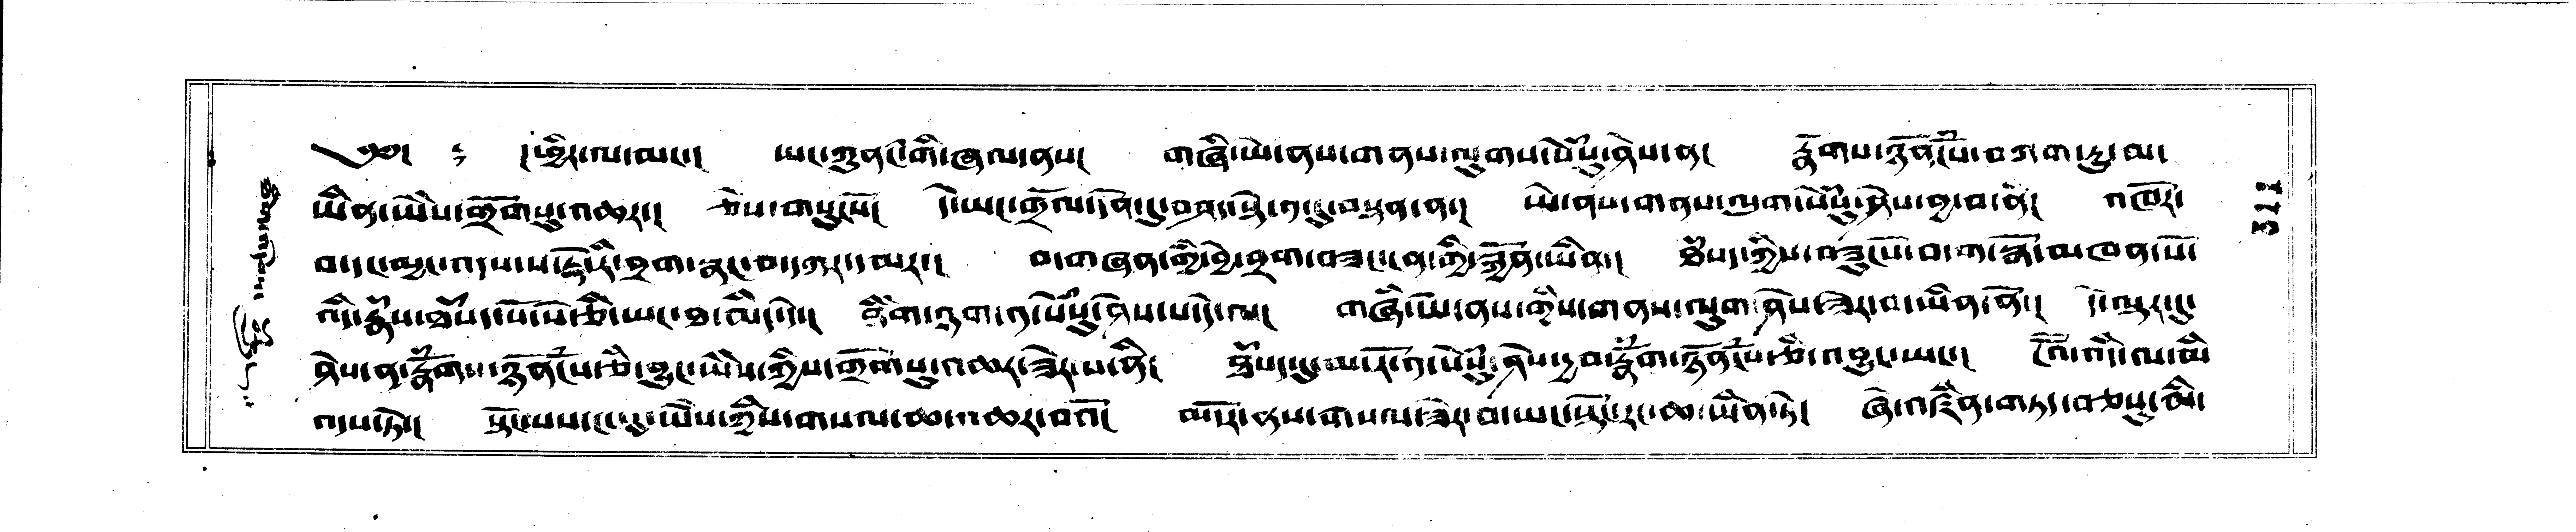ཕྱིར་ལ་མང་། ཡང་ཀུན་བཟང་གི་ཞལ་ནས། གཞི་ཡེ་གནས་ཀྱིས་གནས་ལུགས་སེམས་ལ་ཤེས་པ་ན། རྣམ་རྟོག་ཉོན་མོངས་བཀགས་རྒྱུ་མ་
ཡིན་ཡེ་ཤེས་ཀྱིས་༼ཀྱི༽གྲོགས་སུ་འཆར། ཅེས་གསུངས། དེ་ཡང་བཀྲོལ་དོན་དུ་བཤད་སྟེ། དོན་གཅིག་ཏུ་བསྟན་ན། ཡེ་ནས་ཀྱི་གནས་ལུགས་སེམས་སུ་ཤེས་པར་བྱ་བ་ནི། འཁོར་
བ་མྱ་”མྱང”འདས་ས་རྡོ་རི་བྲག་སྣང་བ་དཀར་དམར། བདག་གཞན་གྱི་བྱེ་བྲག་བཟང་ངན་གྱིས་སྐྱོན་ཐམས་ཅད་ཀྱིས་གཟུངས་སོ། གཏག་གོ། མཁན་པོ་
འདི་རྣམས་ཐམས་ཅད་སོ་སོར་ཅི་ཡང་ཐ་མི་དད་དེ། ཐིག་ལེ་ཉག་ཅིག་བྱང་ཆུབ་སེམས་སུ་ཤེས་པ་དེ་ལ། གཞི་ཡེ་གནས་ཀྱིས་གནས་ལུགས་ཤེས་ཟེར་བ་དེ་ཡིན་ནོ། དེ་ལྟར་
ཤེས་ན་རྣམ་རྟོག་ཉོན་མོངས་ཡེ་ཤེས་ཀྱི་གྲོགས་སུ་འཆར་ཟེར་བ་ནི། ཐམས་ཅད་དུ་མ་རོ་གཅིག་སེམས་སུ་ཤེས་རྒྱབ། རྣམ་རྟོག་ཉོན་མོངས་ཅི་བྱུང་ཡང་། ངོའོ་དེ་ལས་མི་
འདའ་སྟེ། སྟོང་པའི་ངང་དུ་ཡེ་ཤེས་ཀྱིས་གསལ་ཆ་འགྱུར་བའོ། མདོར་ནས་གསལ་ཆ་ཟེར་ཡང་། སྟོང་པ་རང་ཆས་ཡིན་ཏེ། ཞེ་འཛིན་གཏན་‘‘གཏད་”བཅས་ཅན་དུ་མ་